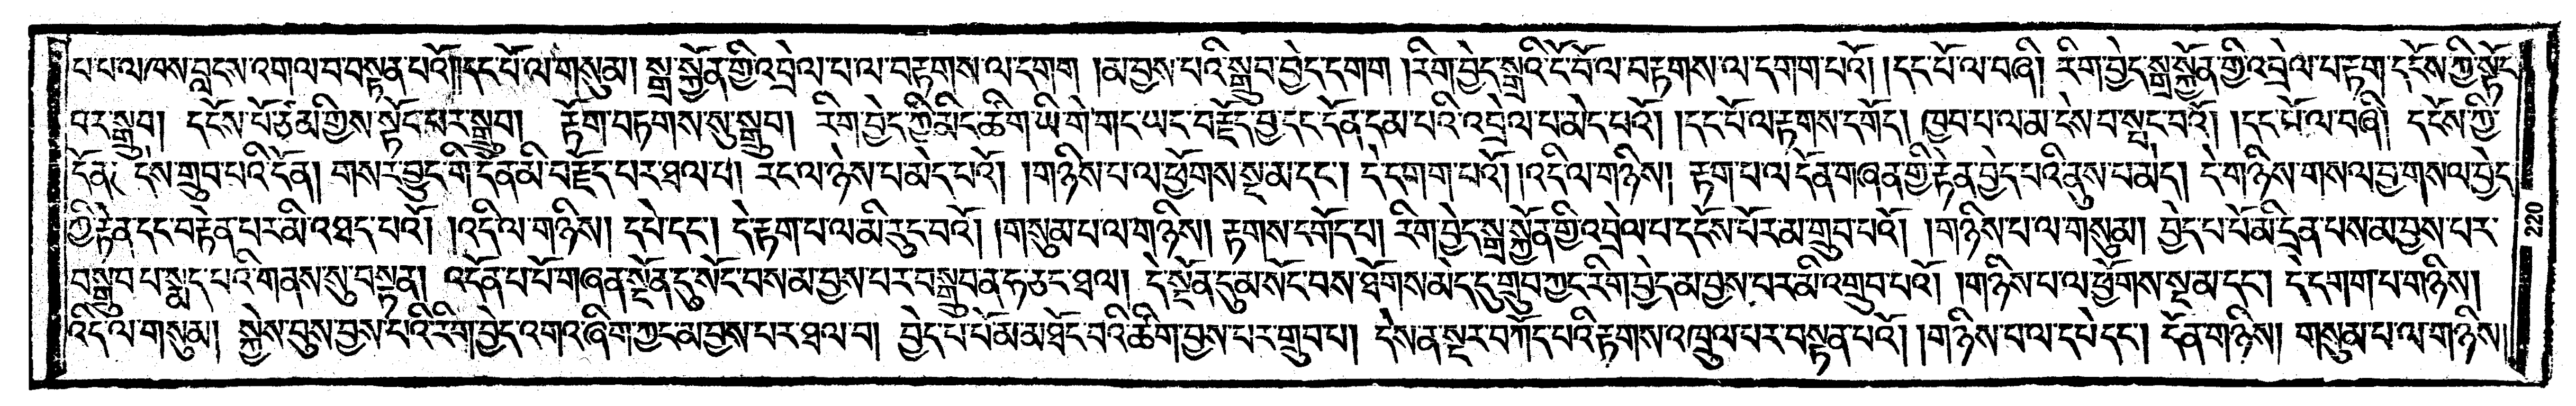པ་པ་ལ་ཁས་བླངས་འགལ་བ་བསྟན་པའོ། །དང་པོ་ལ་གསུམ། སྒྲ་སྐྱོན་གྱི་འབྲེལ་པ་ལ་བརྟགས་ལ་དགག །མ་བྱས་པའི་སྒྲུབ་བྱེད་དགག །རིག་བྱེད་སྒྲའི་ངོ་བོ་ལ་བརྟགས་ལ་དགག་པའོ། །དང་པོ་ལ་བཞི། རིག་བྱེད་སྒྲ་སྐྱོན་གྱི་འབྲེལ་པ་རྟག་དངོས་ཀྱི་སྟོང་
པར་སྒྲུབ། དངོས་པོ་ཙམ་གྱིས་སྟོང་པར་སྒྲུབ། རྟོག་བཏགས་སུ་སྒྲུབ། རིག་བྱེད་ཀྱི་མིང་ཚིག་ཡི་གེ་གང་ཡང་བརྗོད་བྱ་དང་དོན་དམ་པའི་འབྲེལ་པ་མེད་པའོ། །དང་པོ་ལ་རྟགས་དགོད། ཁྱབ་པ་ལ་མ་ངེས་པ་སྤང་བའོ། །དང་པོ་ལ་བཞི། དངོས་ཀྱི་
དོན། དེས་གྲུབ་པའི་དོན། གསར་བྱུང་གི་དོན་མི་བརྗོད་པར་ཐལ་པ། རང་ལ་ཉེས་པ་མེད་པའོ། །གཉིས་པ་ལ་ཕྱོགས་སྔ་མ་དང་། དེ་དགག་པའོ། །འདི་ལ་གཉིས། རྟག་པ་ལ་དོན་གཞན་གྱི་རྟེན་བྱེད་པའི་ནུས་པ་མེད། དེ་གཉིས་གསལ་བྱ་གསལ་བྱེད་
ཀྱི་རྟེན་དང་བརྟེན་པར་མི་འཐད་པའོ། །འདི་ལ་གཉིས། དཔེ་དང་། དེ་རྟག་པ་ལ་མི་རུང་བའོ། །གསུམ་པ་ལ་གཉིས། རྟགས་དགོད་པ། རིག་བྱེད་སྒྲ་སྐྱོན་གྱི་འབྲེལ་པ་དངོས་པོར་མ་གྲུབ་པའོ། །གཉིས་པ་ལ་གསུམ། བྱེད་པ་པོ་མི་དྲན་པས་མ་བྱས་པར་
བསྒྲུབ་པ་སྨད་པའི་གནས་སུ་བསྟན། འདོན་པ་པོ་གཞན་སྔོན་དུ་སོང་བས་མ་བྱས་པར་བསྒྲུབ་ན་ཧ་ཅང་ཐལ། དེ་སྔོན་དུ་མ་སོང་བས་ཐོགས་མེད་དུ་གྲུབ་ཀྱང་རིག་བྱེད་མ་བྱས་པར་མི་འགྲུབ་པའོ། །གཉིས་པ་ལ་ཕྱོགས་སྔ་མ་དང་། དེ་དགག་པ་གཉིས།
འདི་ལ་གསུམ། སྐྱེས་བུས་བྱས་པའི་རིག་བྱེད་འགའ་ཞིག་ཀྱང་མ་བྱས་པར་ཐལ་བ། བྱེད་པ་པོ་མ་མཐོང་བའི་ཚིག་བྱས་པར་གྲུབ་པ། དེས་ན་སྔར་བཀོད་པའི་རྟགས་འཁྲུལ་པར་བསྟན་པའོ། །གཉིས་པ་ལ་དཔེ་དང་། དོན་གཉིས། གསུམ་པ་ལ་གཉིས།